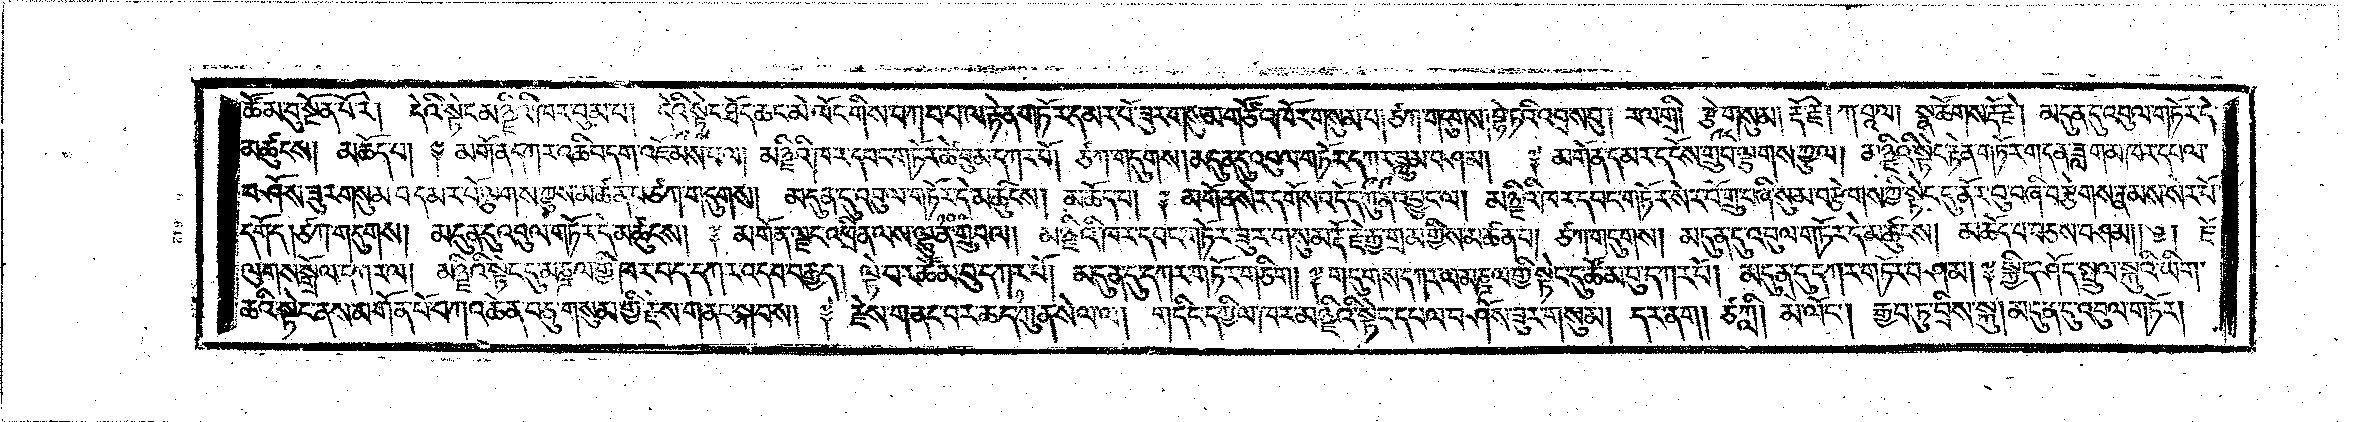ཚོམ་བུ་སྔོན་པོ་རེ། དེའི་སྟེང་མཉྫིའི་ཁར་བུམ་པ། དེའི་སྟེང་ཐོད་ཆང་མེ་ལོང་གིས་བཀབ་པ་ལ་རྟེན་གཏོར་དམར་པོ་ཟུར་གསུམ་གཙོ་འཁོར་གསུམ་པ། ཙཀ་གདུགས། བྷེ་ཏའི་འབྲས་བུ། རལ་གྲི། རྩེ་གསུམ། རྡོ་རྗེ་ཀ་བའི་ལ། སྣ་ཚོགས་རྡོ་རྗེ། མདུན་དུ་འབུལ་གཏོར་དེ་
མཚུངས། མཆོད་པ། ༈ མགོན་དཀར་འཆི་བདག་འཇོམས་པ་ལ། མཉྫིའི་ཁར་དབང་གཏོར་ཚེ་བུམ་དཀར་པོ། ཙཀ་གདུགས། མདུན་དུ་འབུལ་གཏོར་དཀར་ཟླུམ་བཤམ། ༈ མགོན་དམར་དངོས་གྲུབ་ལྕགས་ཀྱུ་ལ། མཉྫིའི་སྟེང་རྟེན་གཏོར་གདན་ཟླ་གམ་ཁར་དཔལ་
བཤོས་ཟུར་གསུམ་བ་དམར་པོ་ལྕགས་ཀྱུས་མཚན་པ་ཙཀ་གདུགས། མདུན་དུ་འབུལ་གཏོར་དེ་མཚུངས། མཆོད་པ། ༈ མགོན་སེར་དགོས་འདོད་ཀུན་འབྱུང་ལ། མཉྫིའི་ཁར་དབང་གཏོར་སེར་པོ་གྲུ་བཞི་སུམ་བརྩེགས་ཀྱི་སྟེང་དུ་ནོར་བུ་བཞི་བརྩེགས་རྣམས་སེར་པོ་
དགོད། ཙཀ་གདུགས། མདུན་དུ་འབུལ་གཏོར་དེ་མཚུངས། ༈ མགོན་ལྗང་འཕྲིན་ལས་ལྷུན་གྲུབ་ལ། མཉྫིའི་ཁར་དབང་གཏོར་ཟུར་གསུམ་རྡོ་རྗེ་རྒྱ་གྲམ་གྱིས་མཚན་པ། ཙཀ་གདུགས། མདུན་དུ་འབུལ་གཏོར་དེ་མཚུངས། མཆོད་པ་བཅས་བཤམ།།༄༅་།ཇོ་
ལུགས་སྒྲོལ་དཀར་ལ། མཉྫིའི་སྟེང་དུ་མཎྜལ་གྱི་ཁར་བད་དཀར་འདབ་བརྒྱད། ལྟེ་བར་ཚེམ་བུ་དཀར་པོ། མདུན་དུ་དཀར་གཏོར་གཅིག། ༈ གདུགས་དཀར་ལ་མཎྜལ་གྱི་སྟེང་དུ་ཚོམ་བུ་དཀར་པོ། མདུན་དུ་དཀར་གཏོར་བཤམ། ༈ སྐྱིད་ཤོད་སྤྲུལ་སྐུའི་ཡིག་
ཆའི་སྟེང་ནས་མགོན་པོ་བཀའ་ཆེན་བཅུ་གསུམ་གྱི་རྗེས་གནང་སྐབས། ༈ རྗེས་གནང་བར་ཆད་ཀུན་སེལ་ལ། གདིང་དཀྱིལ་ཁར་མཉྫིའི་སྟེང་དཔལ་བཤོས་ཟུར་གསུམ། དར་ནག། ཙཀླི། མེ་ལོང་རྒྱབ་ཏུ་བྲིས་སྐུ། མདུན་དུ་འབུལ་གཏོར།